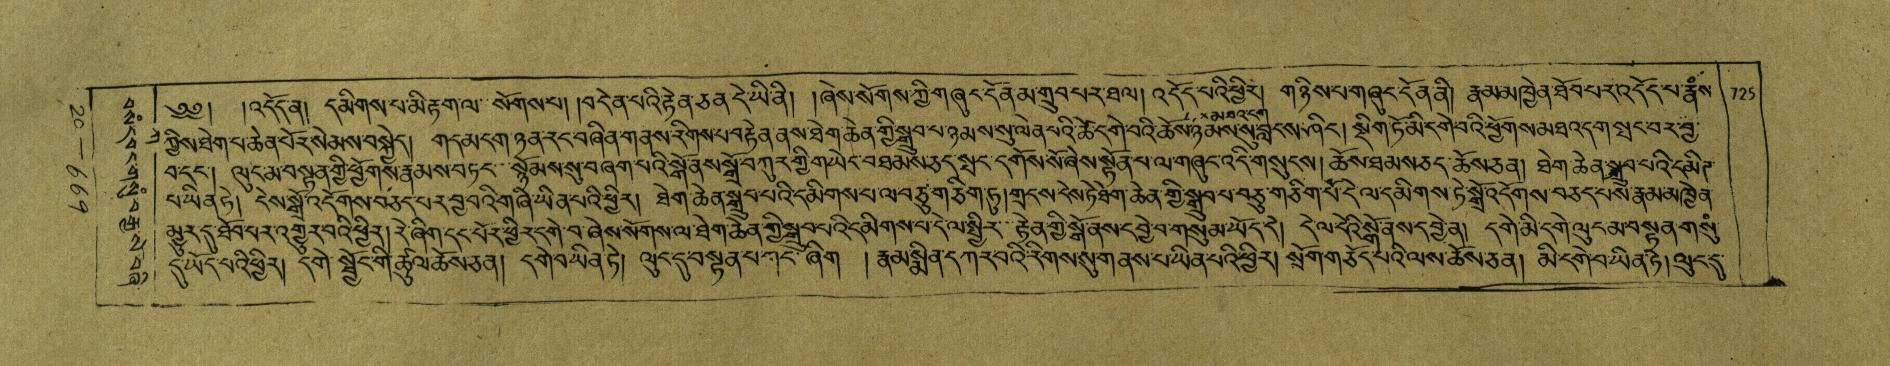༄༅། །འདོད་ན། དམིགས་པ་མི་རྟག་ལ་སོགས་པ། །བདེན་པའི་རྟེན་ཅན་དེ་ཡི་ནི། །ཞེས་སོགས་ཀྱི་གཞུང་དོན་མ་གྲུབ་པར་ཐལ། འདོད་པའི་ཕྱིར། གཉིས་པ་གཞུང་དོན་ནི། རྣམ་མཁྱེན་ཐོབ་པར་འདོད་པ་རྣཾས་
ཀྱིས་ཐེག་པ་ཆེན་པོར་སེམས་བསྐྱེད། གདམ་ངག་ཉན་རང་བཞིན་གནས་རིགས་པ་བརྟེན་ནས་ཐེག་ཆེན་གྱི་སྒྲུབ་པ་ཉམས་སུ་ལེན་པའི་ཚེ་དགེ་བའི་ཆོས་མཐའ་ངག་ཉམས་སུ་བླངས་ཤིང་། སྡིག་ཏོ་མི་དགེ་བའི་ཕྱོགས་མཐའ་དག་སྤང་བར་བྱ་
བ་དང་། ལུང་མ་བསྟན་གྱི་ཕྱོགས་རྣམས་བཏང་སྙོམས་སུ་བཞག་པའི་སྒོ་ནས་སྒྲོ་བཀུར་གྱི་གཡེང་བ་ཐམས་ཅད་སྤང་དགོས་སོ་ཞེས་སྟོན་པ་ལ་གཞུང་འདི་གསུངས། ཆོས་ཐམས་ཅད་ཆོས་ཅན། ཐེག་ཆེན་སྒྲུབ་པའི་དམིཊ་
པ་ཡིན་ཏེ། དེས་སྒྲོ་འདོགས་བཅད་པར་བྱ་བའི་གཞི་ཡིན་པའི་ཕྱིར། ཐེག་ཆེན་སྒྲུབ་པའི་དམིགས་པ་ལ་བཅུ་གཅིག་ཏུ། གྲངས་དེས་ཏེ་ཐེག་ཆེན་གྱི་སྒྲུབ་པ་བཅུ་གཅིག་པོ་དེ་ལ་དམིགས་ཏེ་སྒྲོ་འདོགས་བཅད་པས་རྣམ་མཁྱེན་
མྱུར་དུ་ཐོབ་པར་འགྱུར་བའི་ཕྱིར། རེ་ཞིག་དང་པོར་ཕྱིར་དགེ་བ་ཞེས་སོགས་ལ་ཐེག་ཆེན་གྱི་སྒྲུབ་པའི་དམིགས་པ་དེ་ལ་སྤྱིར་རྟེན་གྱི་སྒོ་ནས་དབྱེ་བ་གསུམ་ཡོད་དེ། དེ་ལ་དེའི་སྒོ་ནས་དབྱེ་ན། དགེ་མི་དགེ་ལུང་མ་བསྟན་གསུཾ་
དུ་ཡོད་པའི་ཕྱིར། དགེ་སྦྱོང་གི་ཚུལ་ཆོས་ཅན། དགེ་བ་ཡིན་ཏེ། ལུང་དུ་བསྟན་པ་གང་ཞིག །རྣམ་སྨིན་དཀར་བའི་རིགས་སུ་གནས་པ་ཡིན་པའི་ཕྱིར། སྲོག་གཅོད་པའི་ལས་ཆོས་ཅན། མི་དགེ་བ་ཡིན་ཏེ། ལུང་དུ་